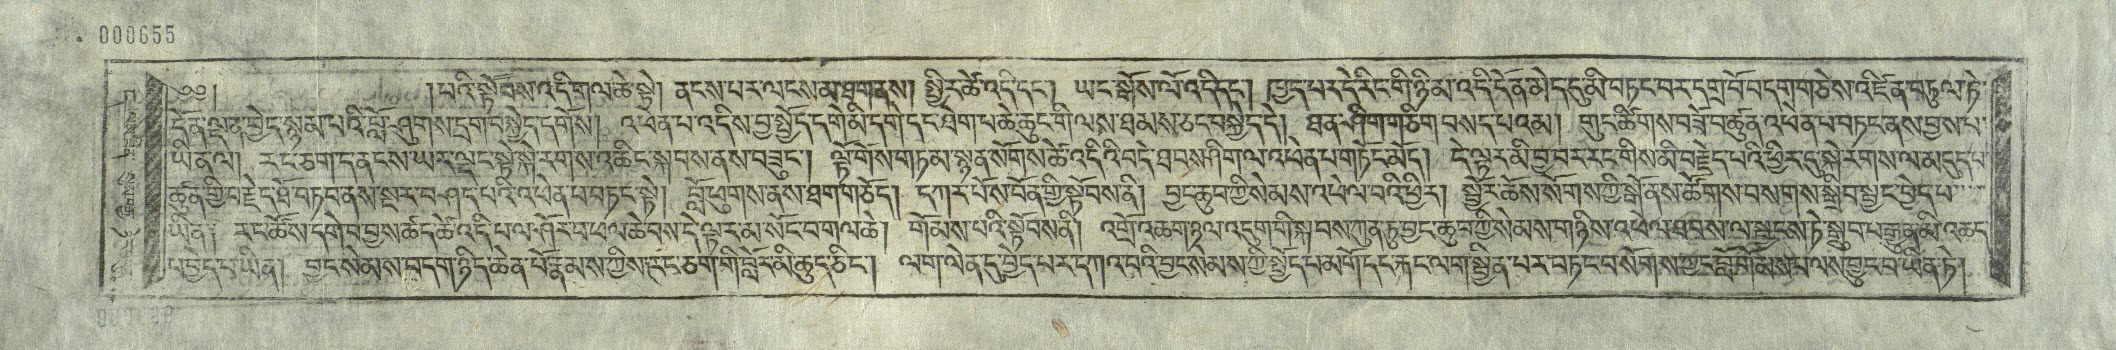༄༅། །པའི་སྟོབས་འདི་གལ་ཆེ་སྟེ། ནངས་པར་ལངས་མ་ཐག་ནས། སྤྱིར་ཚེ་འདི་དང་། ཡང་སྒོས་ལོ་འདི་དང་། ཁྱད་པར་དེ་རིང་གི་ཉི་མ་འདི་དོན་མེད་དུ་མི་བཏང་བར་དགྲ་བོ་བདག་གཅེས་འཛིན་བཏུལ་ཏེ་
དོན་ལྡན་བྱེད་སྙམ་པའི་བློ་ཤུགས་དྲག་བསྐྱེད་དགོས། འཕེན་པ་འདིས་བྱ་སྤྱོད་དགེ་མི་དགེ་དང་ཐེག་པ་ཆེ་ཆུང་གི་ལས་ཐམས་ཅད་བསྐྱེད་དེ། ཐ་ན་ཤིག་གཅིག་བསད་པའམ། གུང་ཚིགས་བཟོ་བ་ཚུན་འཕེན་པ་བཏང་ནས་བྱས་པ་
ཡིན་ལ། རང་ཅག་ད་ནངས་ཡར་ལྡང་སྟེ་སྐེ་རགས་འཆིང་སྐབས་ནས་བཟུང་། ལྟོ་གོས་གཏམ་སྙན་སོགས་ཚེ་འདིའི་བདེ་ཐབས་ཤིག་ལ་འཕེན་པ་གཏོང་མོད། དེ་ལྟར་མི་བྱ་བར་རང་གིས་མི་བརྗེད་པའི་ཕྱིར་དུ་སྐེ་རགས་ལ་མདུད་པ་
ཚུན་གྱི་བརྗེད་ཐོ་བཏབ་ནས་སྔར་བཤད་པའི་འཕེན་པ་བཏང་སྟེ། བློ་ཕུགས་ནས་ཐག་གཅོད། དཀར་པོ་ས་བོན་གྱི་སྟོབས་ནི། བྱང་ཆུབ་ཀྱི་སེམས་འཕེལ་བའི་ཕྱིར། སྦྱོར་ཆོས་སོགས་ཀྱི་སྒོ་ནས་ཚོགས་བསགས་སྒྲིབ་སྦྱང་བྱེད་པ་
ཡིན༑ རང་ཚོས་དགེ་བ་བྱས་ཚད་ཚེ་འདི་པ་ལ་ཤོར་བ་ཕལ་ཆེ་བས་དེ་ལྟར་མ་སོང་བ་གལ་ཆེ། གོམས་པའི་སྟོབས་ནི། འགྲོ་འཆག་ཉལ་འདུག་གི་སྐབས་ཀུན་ཏུ་བྱང་ཆུབ་ཀྱི་སེམས་གཉིས་འཕེལ་ཐབས་ལ་སྦྱངས་ཏེ་སྒྲུབ་པ་རྒྱུན་མི་འཆད་
པ་བྱེད་པ་ཡིན། བྱང་སེམས་བདག་ཉིད་ཆེན་པོ་རྣམས་ཀྱིས༑ རང་ཅག་གི་བློར་མི་ཆུད་ཅིང་། ལག་ལེན་དུ་བྱེད་པར་དཀའ་བའི་བྱང་སེམས་ཀྱི་སྤྱོད་པ་མགོ་དང་རྐང་ལག་སྦྱིན་པར་བཏང་བ་སོགས་ཀྱང་བློ་གོམས་པ་ལས་བྱུང་བ་ཡིན་ཏེ།